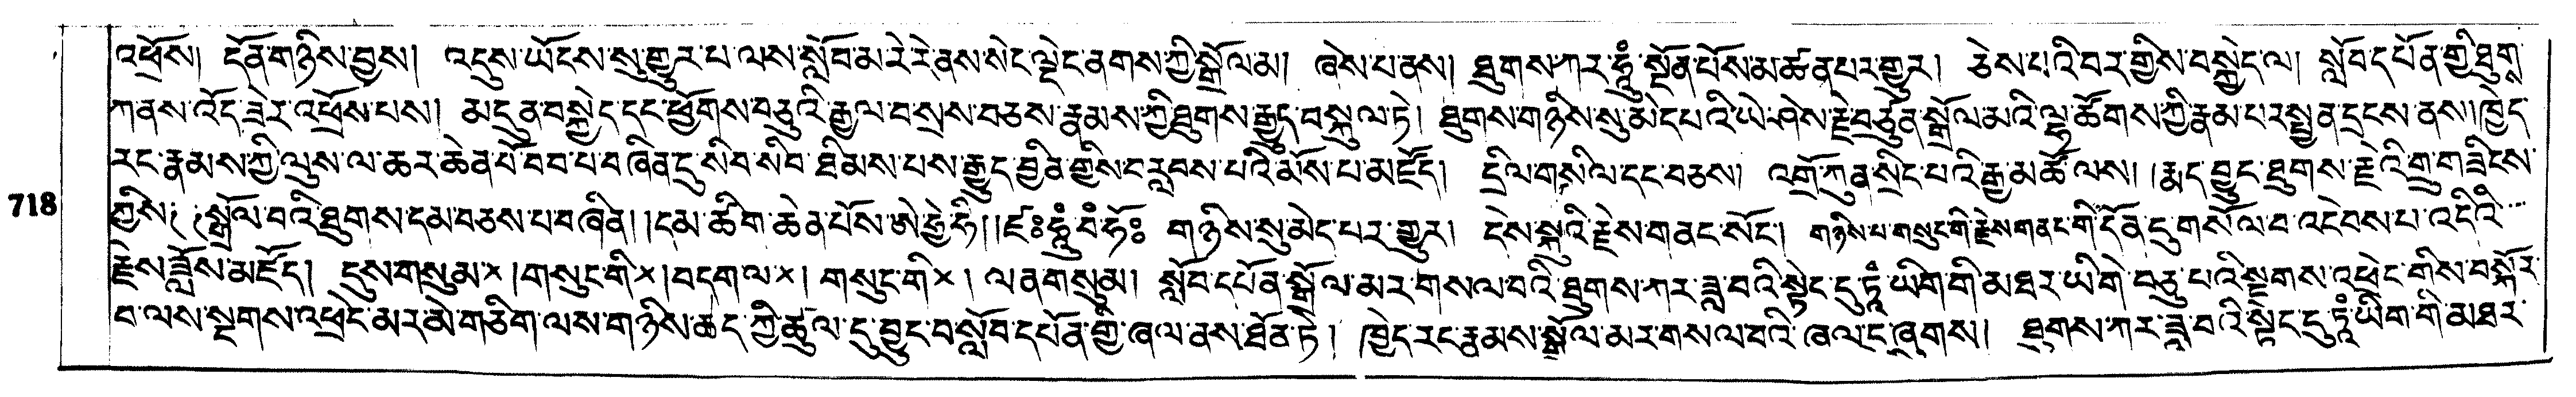འཕྲོས། དོན་གཉིས་བྱས། འདུས་ཡོངས་སུ་གྱུར་པ་ལས་སློབ་མ་རེ་རེ་ནས་སེང་ལྡེང་ནགས་ཀྱི་སྒྲོལ་མ། ཞེས་པ་ནས། ཐུགས་ཀར་ཧཱུཾ་སྔོན་པོས་མཚན་པར་གྱུར། ཅེས་པའི་བར་གྱིས་བསྐྱེད་ལ། སློབ་དཔོན་གྱི་ཐུགས་
ཀ་ནས་འོད་ཟེར་འཕྲོས་པས། མདུན་བསྐྱེད་དང་ཕྱོགས་བཅུའི་རྒྱལ་བ་སྲས་བཅས་རྣམས་ཀྱི་ཐུགས་རྒྱུད་བསྐུལ་ཏེ། ཐུགས་གཉིས་སུ་མེད་པའི་ཡེ་ཤེས་རྗེ་བཙུན་སྒྲོལ་མའི་ལྷ་ཚོགས་ཀྱི་རྣམ་པར་སྤྱན་དྲངས་ནས། ཁྱེད་
རང་རྣམས་ཀྱི་ལུས་ལ་ཆར་ཆེན་པོ་བབ་པ་བཞིན་དུ་སིབ་སིབ་ཐིམས་པས་རྒྱུན་བྱིན་གྱིས་བརླབ་པའི་མོས་པ་མཛོད། དྲིལ་གསིལ་དང་བཅས། འགྲོ་ཀུན་སྲིད་པའི་རྒྱ་མཚོ་ལས། །རྨད་བྱུང་ཐུགས་རྗེའི་གྲུ་གཟིངས་
ཀྱིས༑ ༑སྒྲོལ་བའི་ཐུགས་དམ་བཅས་པ་བཞིན། །དམ་ཚིག་ཆེན་པོས་ཨེ་ཧྱེ་ཧི། །ཛཿ ཧཱུཾ་བཾ་ཧོཿ གཉིས་སུ་མེད་པར་གྱུར། དེས་སྐུའི་རྗེས་གནང་སོང་། གཉིས་པ་གསུང་གི་རྗེས་གནང་གི་དོན་དུ་གསོལ་བ་འདེབས་པ་འདིའི་
རྗེས་ཟློས་མཛོད། དུས་གསུམ་྾། གསུང་གི་྾། བདག་ལ་྾། གསུང་གི་྾། ལན་གསུམ། སློབ་དཔོན་སྒྲོལ་མར་གསལ་བའི་ཐུགས་ཀར་ཟླ་བའི་སྟེང་དུ་ཏཱཾ་ཡིག་གེ་མཐར་ཡི་གེ་བཅུ་པའི་སྔགས་འཕྲེང་གིས་བསྐོར་
བ་ལས་སྔགས་འཕྲེང་མར་མེ་གཅིག་ལས་གཉིས་ཆད་ཀྱི་ཚུལ་དུ་བྱུང་བ་སློབ་དཔོན་གྱི་ཞལ་ནས་ཐོན་ཏེ། ཁྱེད་རང་རྣམས་སྒྲོལ་མར་གསལ་བའི་ཞལ་དུ་ཞུགས། ཐུགས་ཀར་ཟླ་བའི་སྟེང་དུ་ཏཱཾ་ཡིག་གི་མཐར་